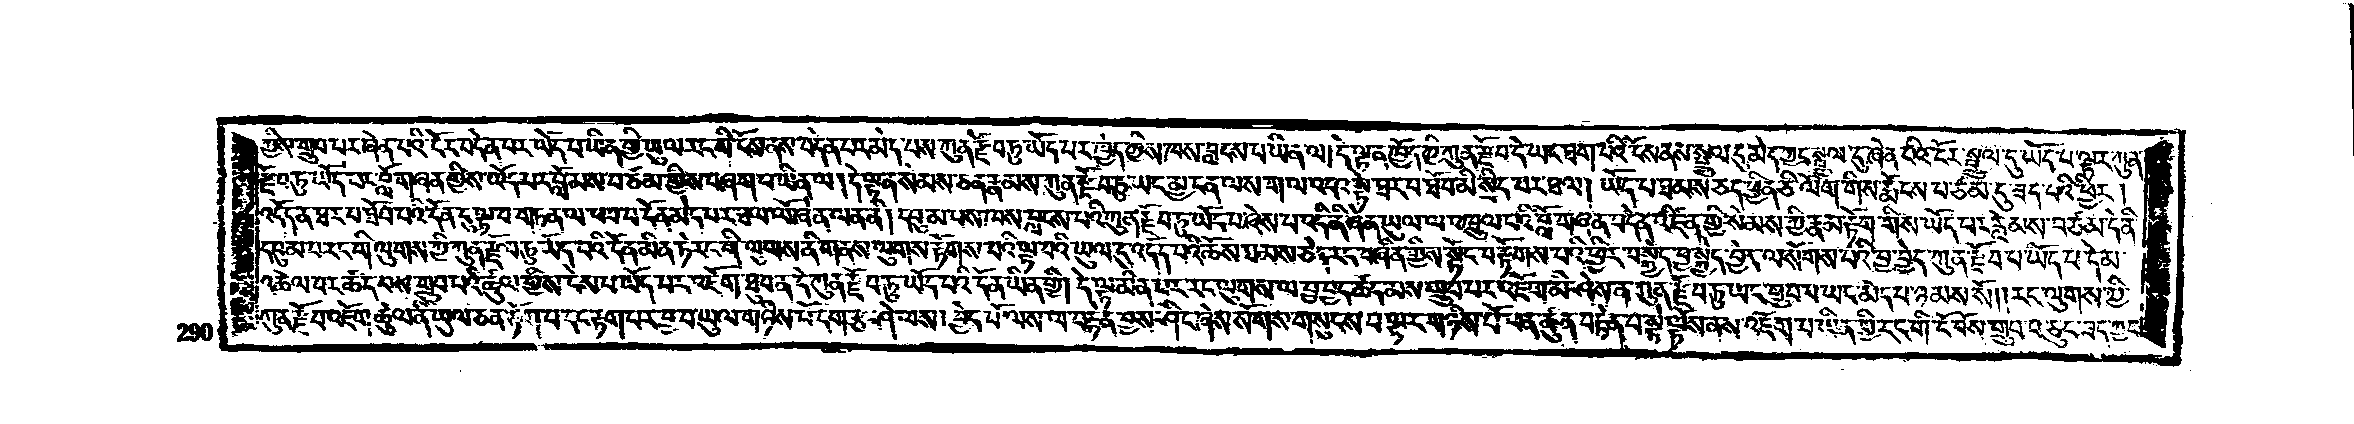ཀྱིས་གྲུབ་པར་ཞེན་པའི་ངོར་བདེན་པར་ཡོད་པ་ཡིན་གྱི་ཡུལ་རང་གི་ངོས་ནས་བདེན་པར་མེད་པས་ཀུན་རྫོབ་ཏུ་ཡོད་པར་ཁྱེད་ཀྱིས་ཁས་བླངས་པ་ཡིན་ལ། དེ་ལྟ་ན་ཁྱོད་ཀྱི་ཀུན་རྫོབ་དེ་ཡང་ཐག་པའི་ངོས་ནས་སྤྲུལ་དུ་མེད་ཀྱང་སྤྲུལ་དུ་ཞེན་པའི་ངོར་སྤྲུལ་དུ་ཡོད་པ་ལྟར་ཀུན་
རྫོབ་ཏུ་ཡོད་པར་བློ་གཞན་གྱིས་ཡོད་པར་བློ་མས་པ་ཙམ་གྱིས་བཞག་པ་ཡིན་ལ། དེ་ལྟ་ན་སེམས་ཅན་རྣམས་ཀུན་རྫོབ་ཏུ་ཡང་མྱ་ངན་ལས་ག་ལ་འདའ་སྟེ་ཐར་པ་ཐོབ་མི་སྲིད་པར་ཐལ། ཡོད་པ་ཐམས་ཅད་ཕྱིན་ཅི་ལོག་གིས་རྨོངས་པ་ཙམ་དུ་ཟད་པའི་ཕྱིར།
འདོད་ན་ཐར་པ་ཐོབ་པའི་དོན་དུ་ལྟ་བ་གཏན་ལ་ཕབ་པ་དོན་མེད་པར་ཐལ་ལོ་ཞེ་ན་ལན་ནི། དབུ་མ་པས་ཁས་བླངས་པའི་ཀུན་རྫོབ་ཏུ་ཡོད་པ་ཞེས་པ་འདི་ནི་ཞེན་ཡུལ་ལ་འཁྲུལ་པའི་བློ་གཞན་བདེན་འཛིན་གྱི་སེམས་ཀྱི་རྣམ་རྟོག་གིས་ཡོད་པར་རླེམས་པ་ཙམ་དེ་ནི་
དབུ་མ་པ་རང་གི་ལུགས་ཀྱི་ཀུན་རྫོབ་ཏུ་ཡོད་པའི་དོན་མིན་ཏེ་རང་གི་ལུགས་ནི་གནས་ལུགས་རྟོགས་པའི་ལྟ་བའི་ཡུལ་དུ་འདོད་པའི་ཆོས་ཐམས་ཅད་རང་བཞིན་གྱིས་སྟོང་པ་རྟོགས་པའི་ཕྱིར་བསྐྱེད་བྱ་བསྐྱེད་བྱེད་ལ་སོགས་པའི་བྱ་བྱེད་ཀུན་རྫོབ་པ་ཡོད་པ་དེ་མ་
འཚེལ?་བར་ཚད་པས་གྲུབ་པའི་ཚུལ་གྱིས་ངེས་པ་ཡོད་པར་འཇོག་ཐུབ་ན་དེ་ཀུན་རྫོབ་ཏུ་ཡོད་པའི་དོན་ཡིན་གྱི་།དེ་ལྟ་མིན་པར་རང་ལུགས་ལ་བྱ་བྱེད་ཚད་མས་གྲུབ་པར་འཇོག་མི་ཤེས་ན་ཀུན་རྫོབ་ཏུ་ཡང་གྲུབ་པ་ཡང་མིད་པ་ཉམས་སོ། །རང་ལུགས་ཀྱི་
ཀུན་རྫོབ་འཇོག་ཚུལ་ནི་ཡུལ་ཅན་རྟོག་པ་དང་རྟག་པར་བྱ་བ་ཡུལ་གཉིས་པོ་དག་རྩ་ཤེ་ལས། བྱེད་པོ་ལས་ལ་བརྟེན་བྱས་ཤིང་ཞེས་སོགས་གསུངས་པ་ལྟར་གཉིས་པོ་ཕན་ཚུན་བརྟེན་པ་སྟེ་ལྟོས་ནས་འཇོག་པ་ཡིན་གྱི་རང་གི་ངོ་བོས་གྲུབ་པ་ཅུང་ཟད་ཀྱང་